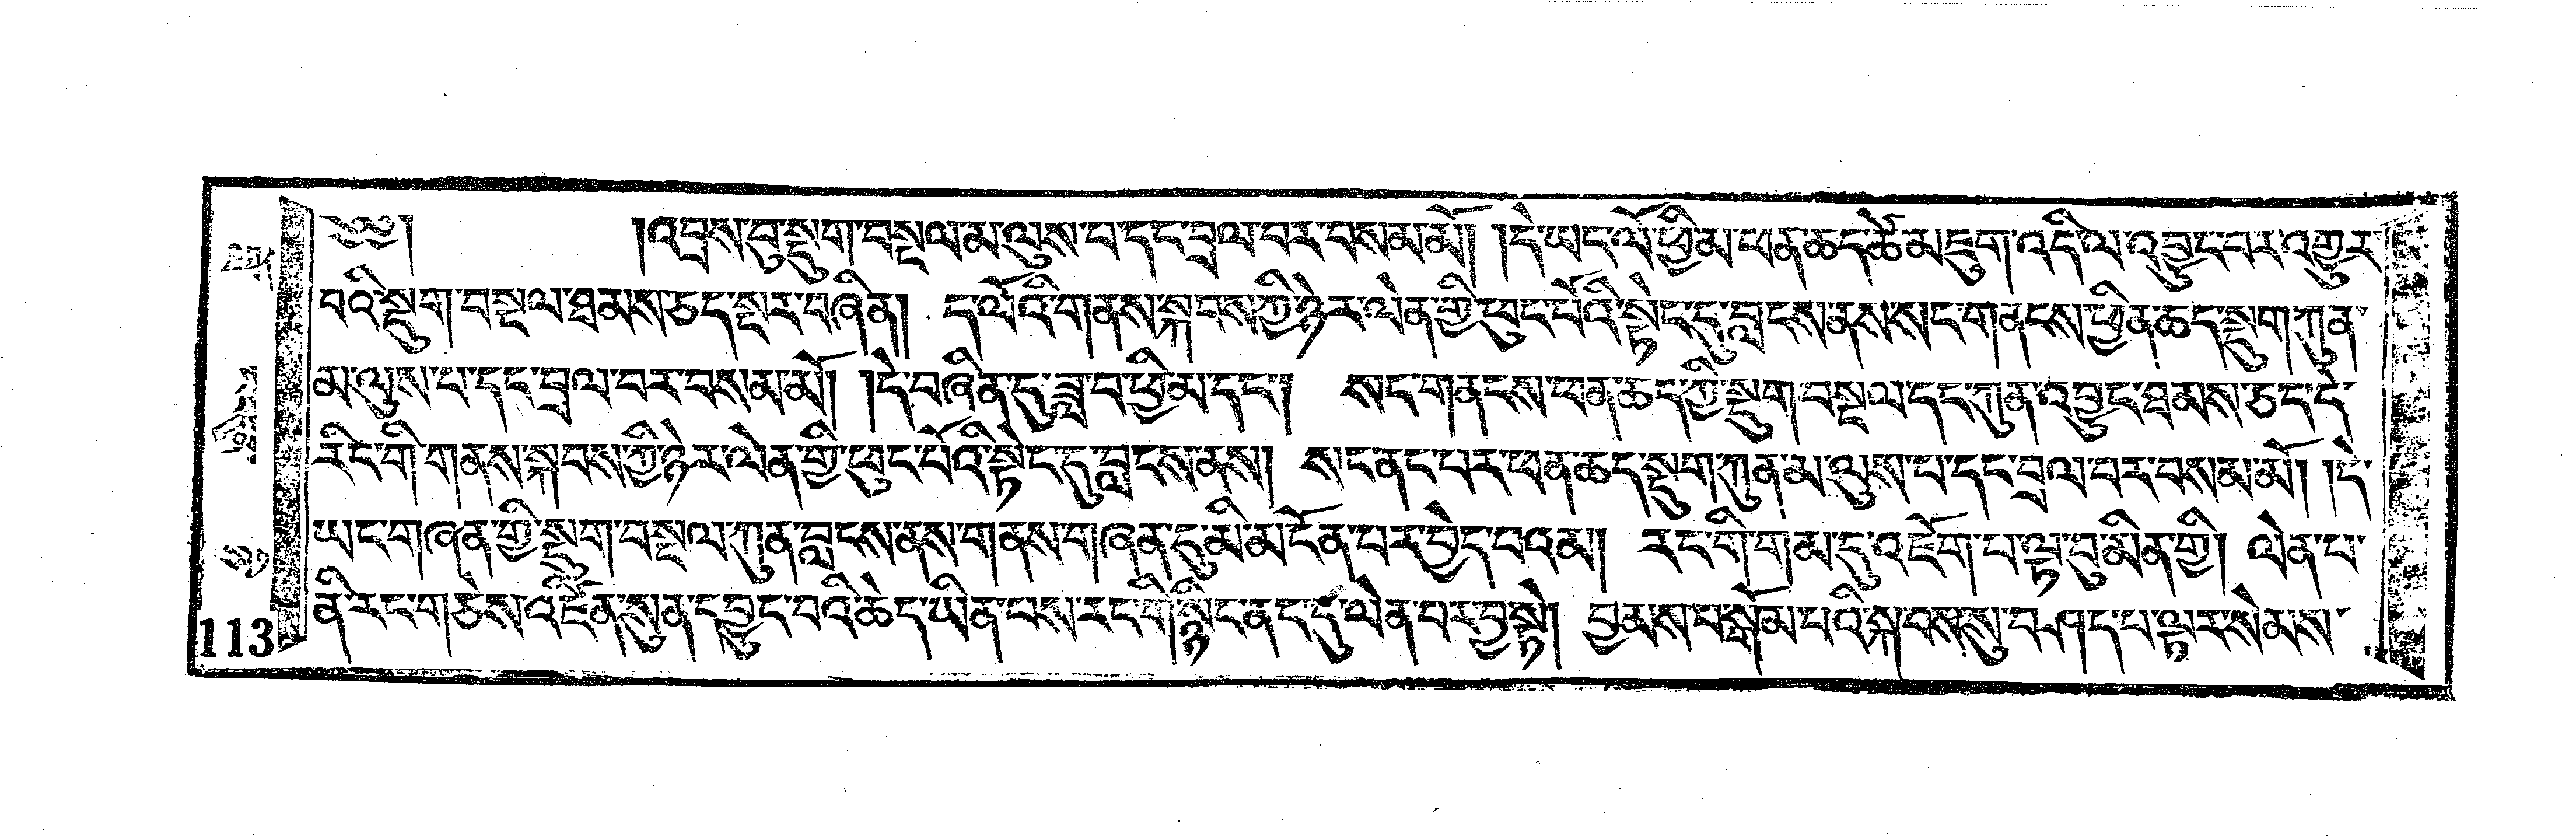༄༅། །འབྲས་བུ་སྡུག་བསྔལ་མ་ལུས་པ་དང་བྲལ་བར་བསམ་མོ། །དེ་ཡང་ལོ་ཕྱི་མ་ཕན་ཆད་ཚེ་མཇུག་འདི་ལ་འབྱུང་བར་འགྱུར་
བའི་སྡུག་བསྔལ་ཐམས་ཅད་སྔར་བཞིན། ད་ལོའི་གནས་སྐབས་ཀྱི་ཉེར་ལེན་གྱི་ཕུང་པོའི་སྟེང་དུ་བླངས་ནས་སང་གནངས་ཕྱིན་ཆད་སྡུག་ཀུན་
མ་ལུས་པ་དང་བྲལ་བར་བསམ་མོ། །དེ་བཞིན་དུ་ཟླ་བ་ཕྱི་མ་དང་། སང་གནངས་ཕན་ཆད་ཀྱི་སྡུག་བསྔལ་དང་ཀུན་འབྱུང་ཐམས་ཅད་དེ་
རིང་གི་གནས་སྐབས་ཀྱི་ཉེར་ལེན་གྱི་ཕུང་པོའི་སྟེང་དུ་བླངས་ནས། སང་ནང་པར་ཕན་ཆད་སྡུག་ཀུན་མ་ལུས་པ་དང་བྲལ་བར་བསམ་མོ། །དེ་
ཡང་གཞན་གྱི་སྡུག་བསྔལ་ཀུན་བླངས་ནས་གནས་གཞན་དུ་མི་མངོན་པར་བྱེད་པའམ། རང་གི་གམ་དུ་འཇོག་པ་ལྟ་བུ་མིན་གྱི། ལེན་པ་
ནི་རང་གཅེས་འཛིན་སུན་དབྱུང་བའི་ཆེད་ཡིན་པས་རང་གི་སྙིང་ནང་དུ་ལེན་པར་བྱ་སྟེ། བྱམས་པ་སྒོམ་པའི་སྐབས་སུ་བཤད་པ་ལྟར་སེམས་